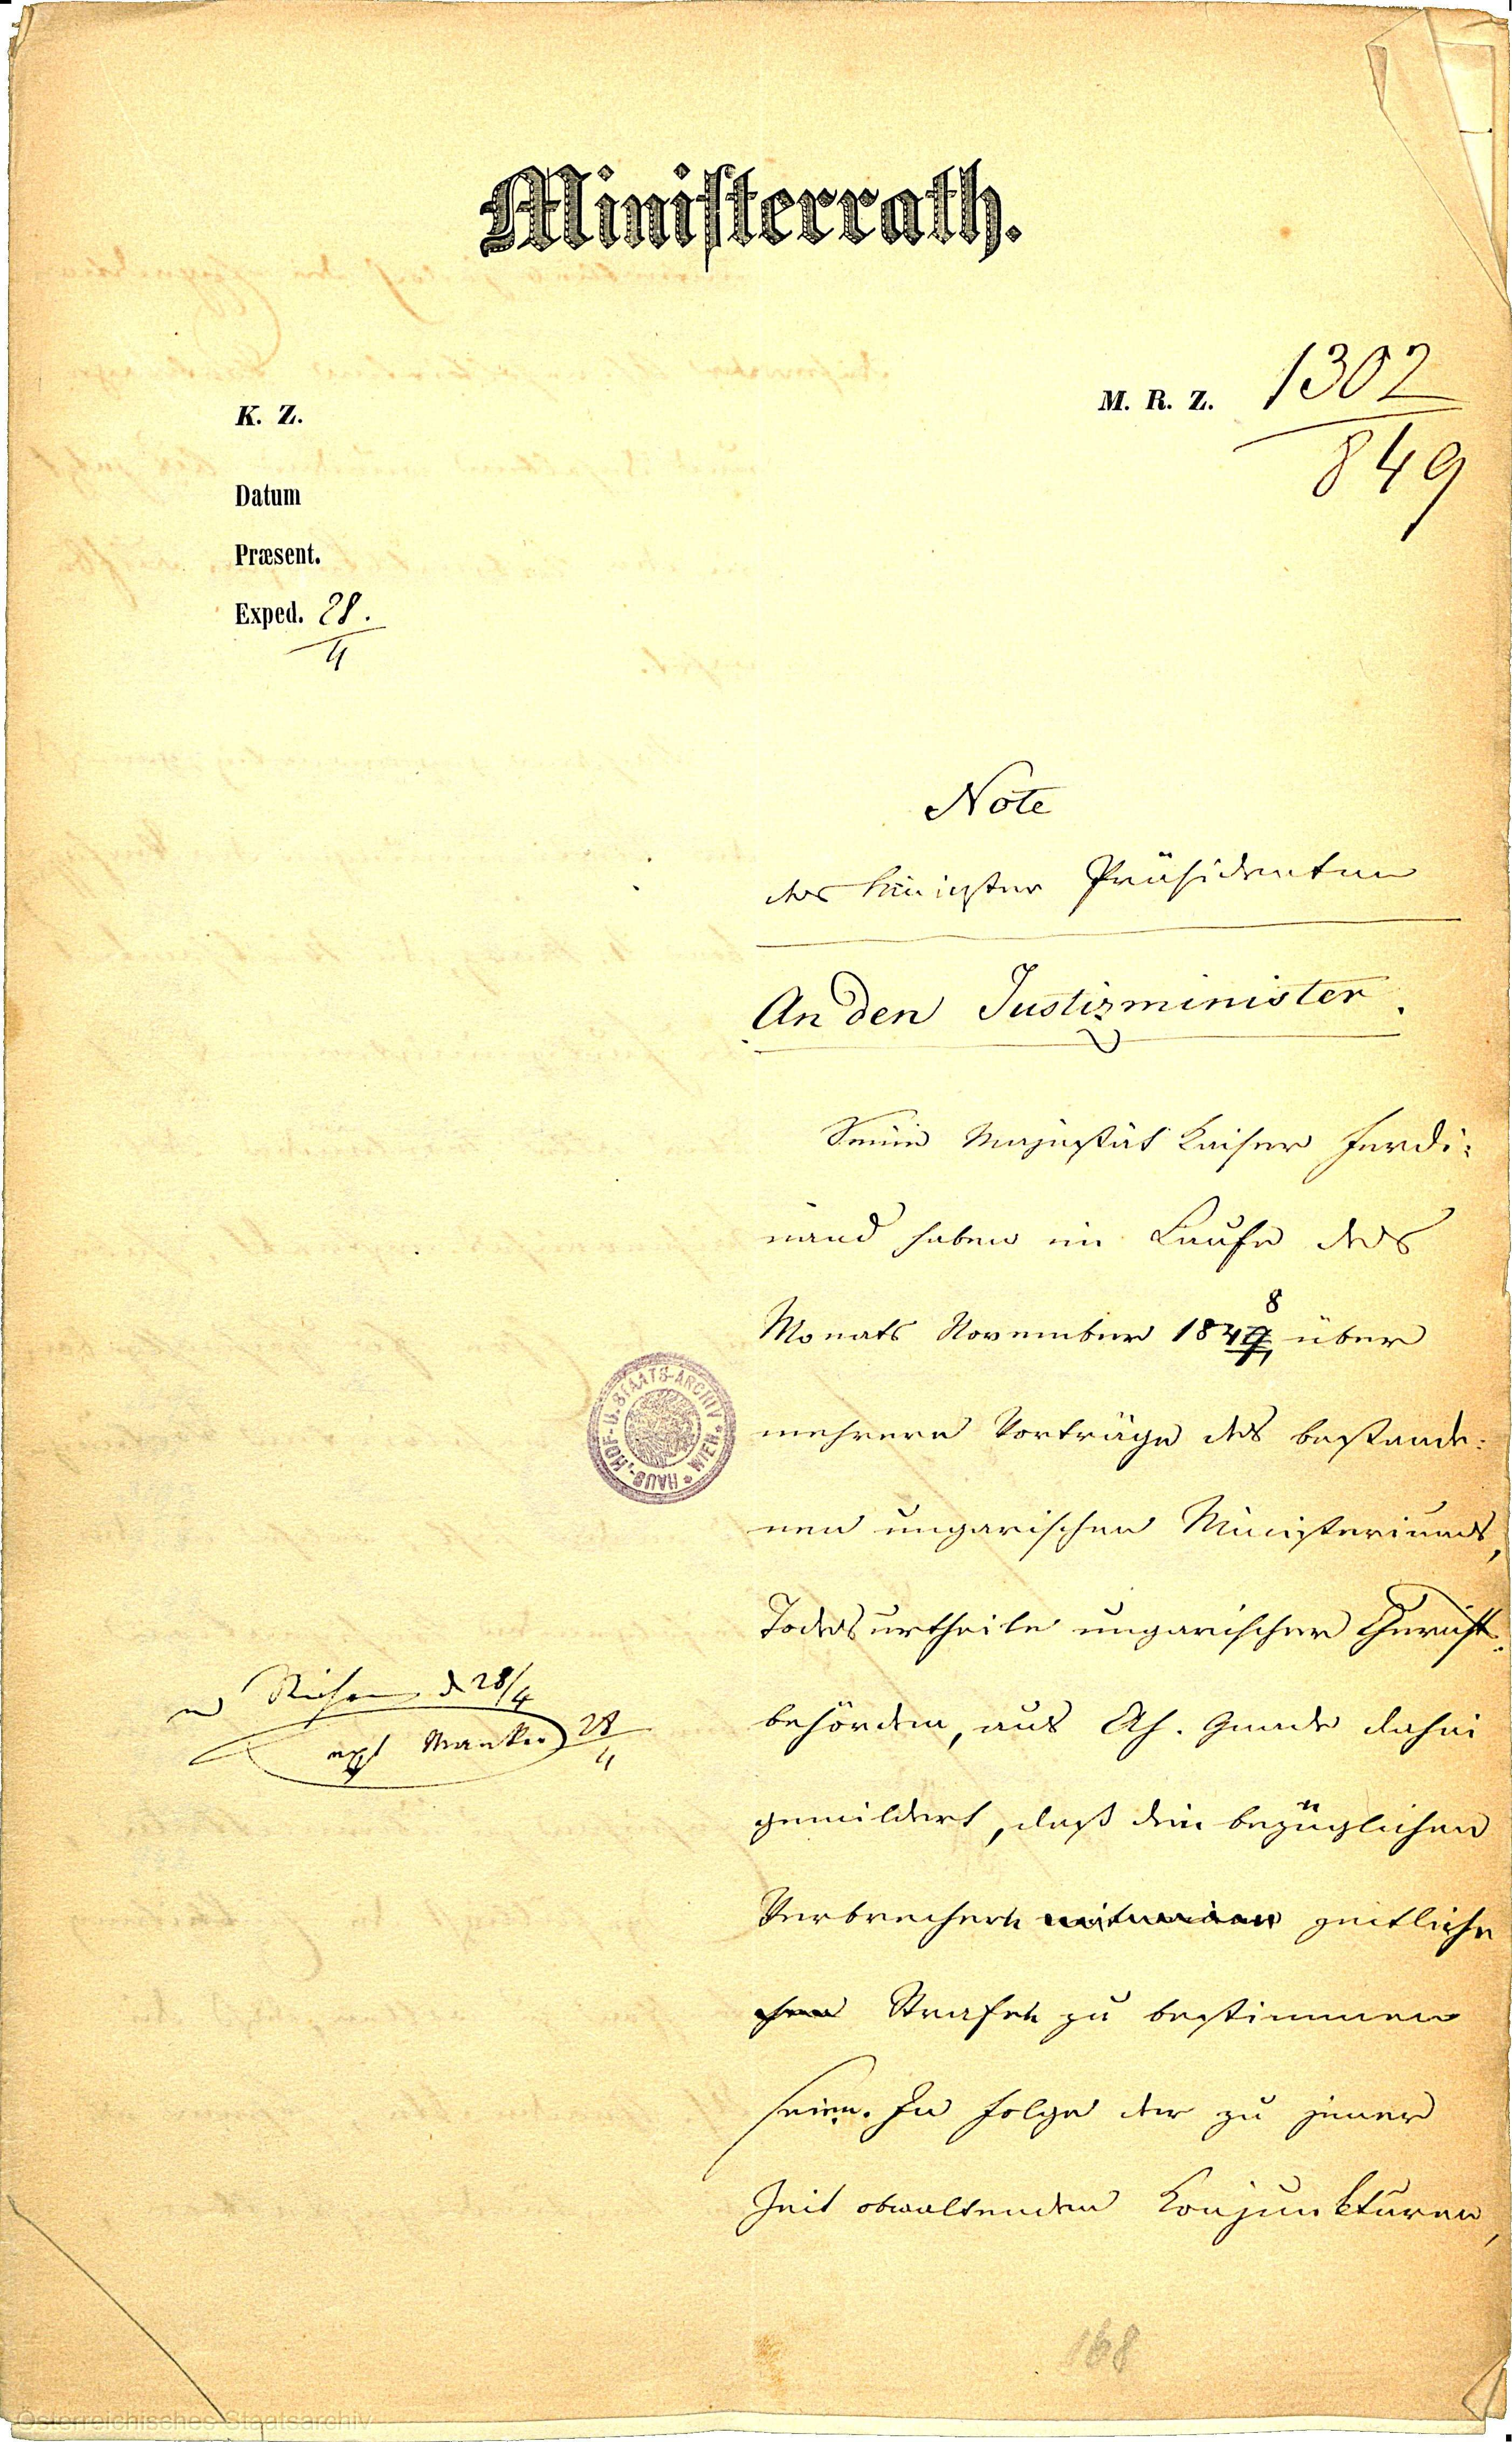Ministerrath
K.Z.
Datum
Praesent.
Exped. 28
4
MRZ 1302
849
Note
Des Minister Präsidenten
An den Justizminister
Seine Majestät Kaiser Ferdi¬
nand haben im Laufe des
Monats November 1848 über
mehrere Vorträge des bestande¬
nen ungarischen Ministeriums,
Todesurtheile ungarischer Gerichts¬
behörden, aus Ah. Gnade dahin
gemildert, daß die bezüglichen
Verbrechern zeitliche
Strafe zu bestimmen
seien. In Folge der zu jener
Zeit obwaltenden Konjunkturen,
168
Stiche d 28/4
ext Stranke 28/11